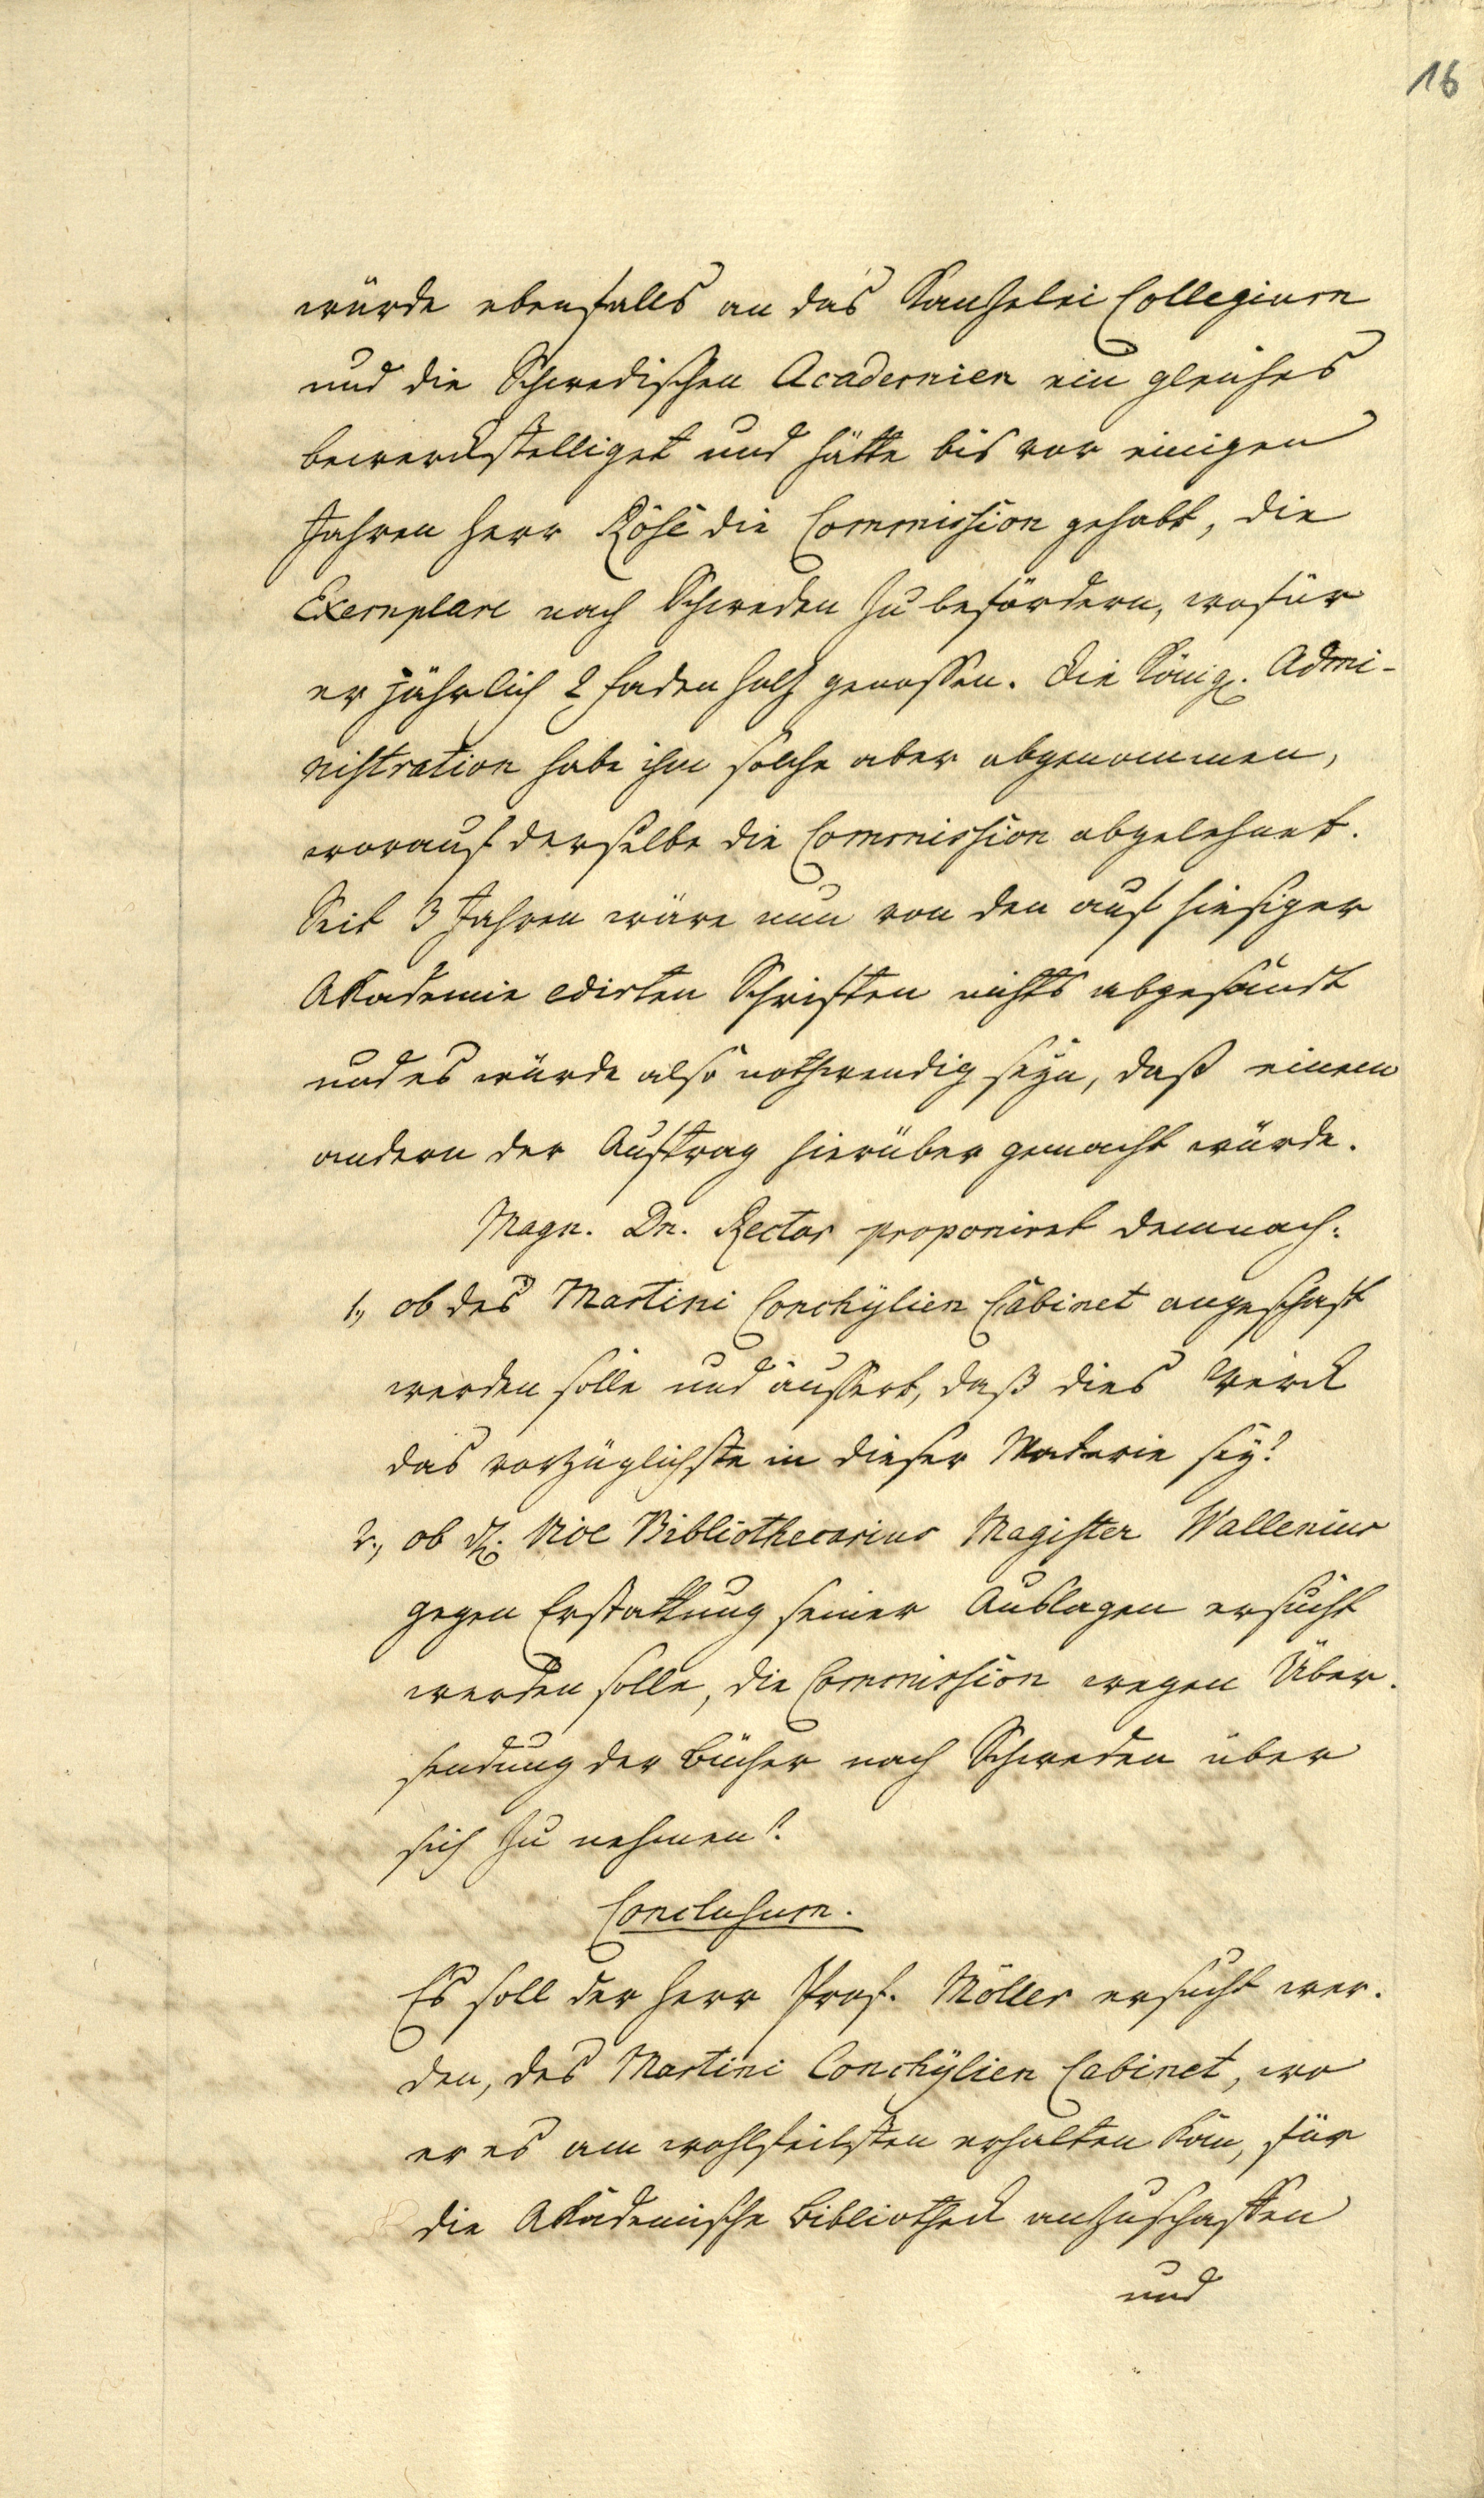würde ebenfalls an das Kanzelei Collegium
und die Schwedischen Academien ein gleiches
bewerkstelliget und hätte bis vor einigen
Jahren Herr Röse die Commission gehabt, die
Exemplare nach Schweden zu befördern, wofür
er jährlich 2 faden holz genossen. Die Königl. Admi-
nistration habe ihm solche aber abgenommen,
worauf derselbe die Commission abgelehnet.
Seit 3 Jahren wäre nun von den auf hiesiger
Akademie edirten Schriften nichts abgesandt
und es würde also nothwendig seyn, daß einem
andern der Auftrag hierüber gemacht würde.
Magn. Dn. Rector proponiret demnach:
1., ob des Martini Conchylien Cabinet angeschaft
werden solle und äussert, daß dies Werck
das vorzüglichste in dieser Materie sey?
2., ob d.h. Vice Bibliothecarius Magister Wallenius
gegen Erstattung seiner Auslagen ersucht
werden solle, die Commission wegen Über-
sendung der Bücher nach Schweden über
sich zu nehmen?
Conclusum.
Es soll der Herr Prof. Möller ersucht wer-
den, des Martini Conchylien Cabinet, wo
er es am wohlfeilsten erhalten kann, für
die Akademische Bibliothek anzuschaffen
und